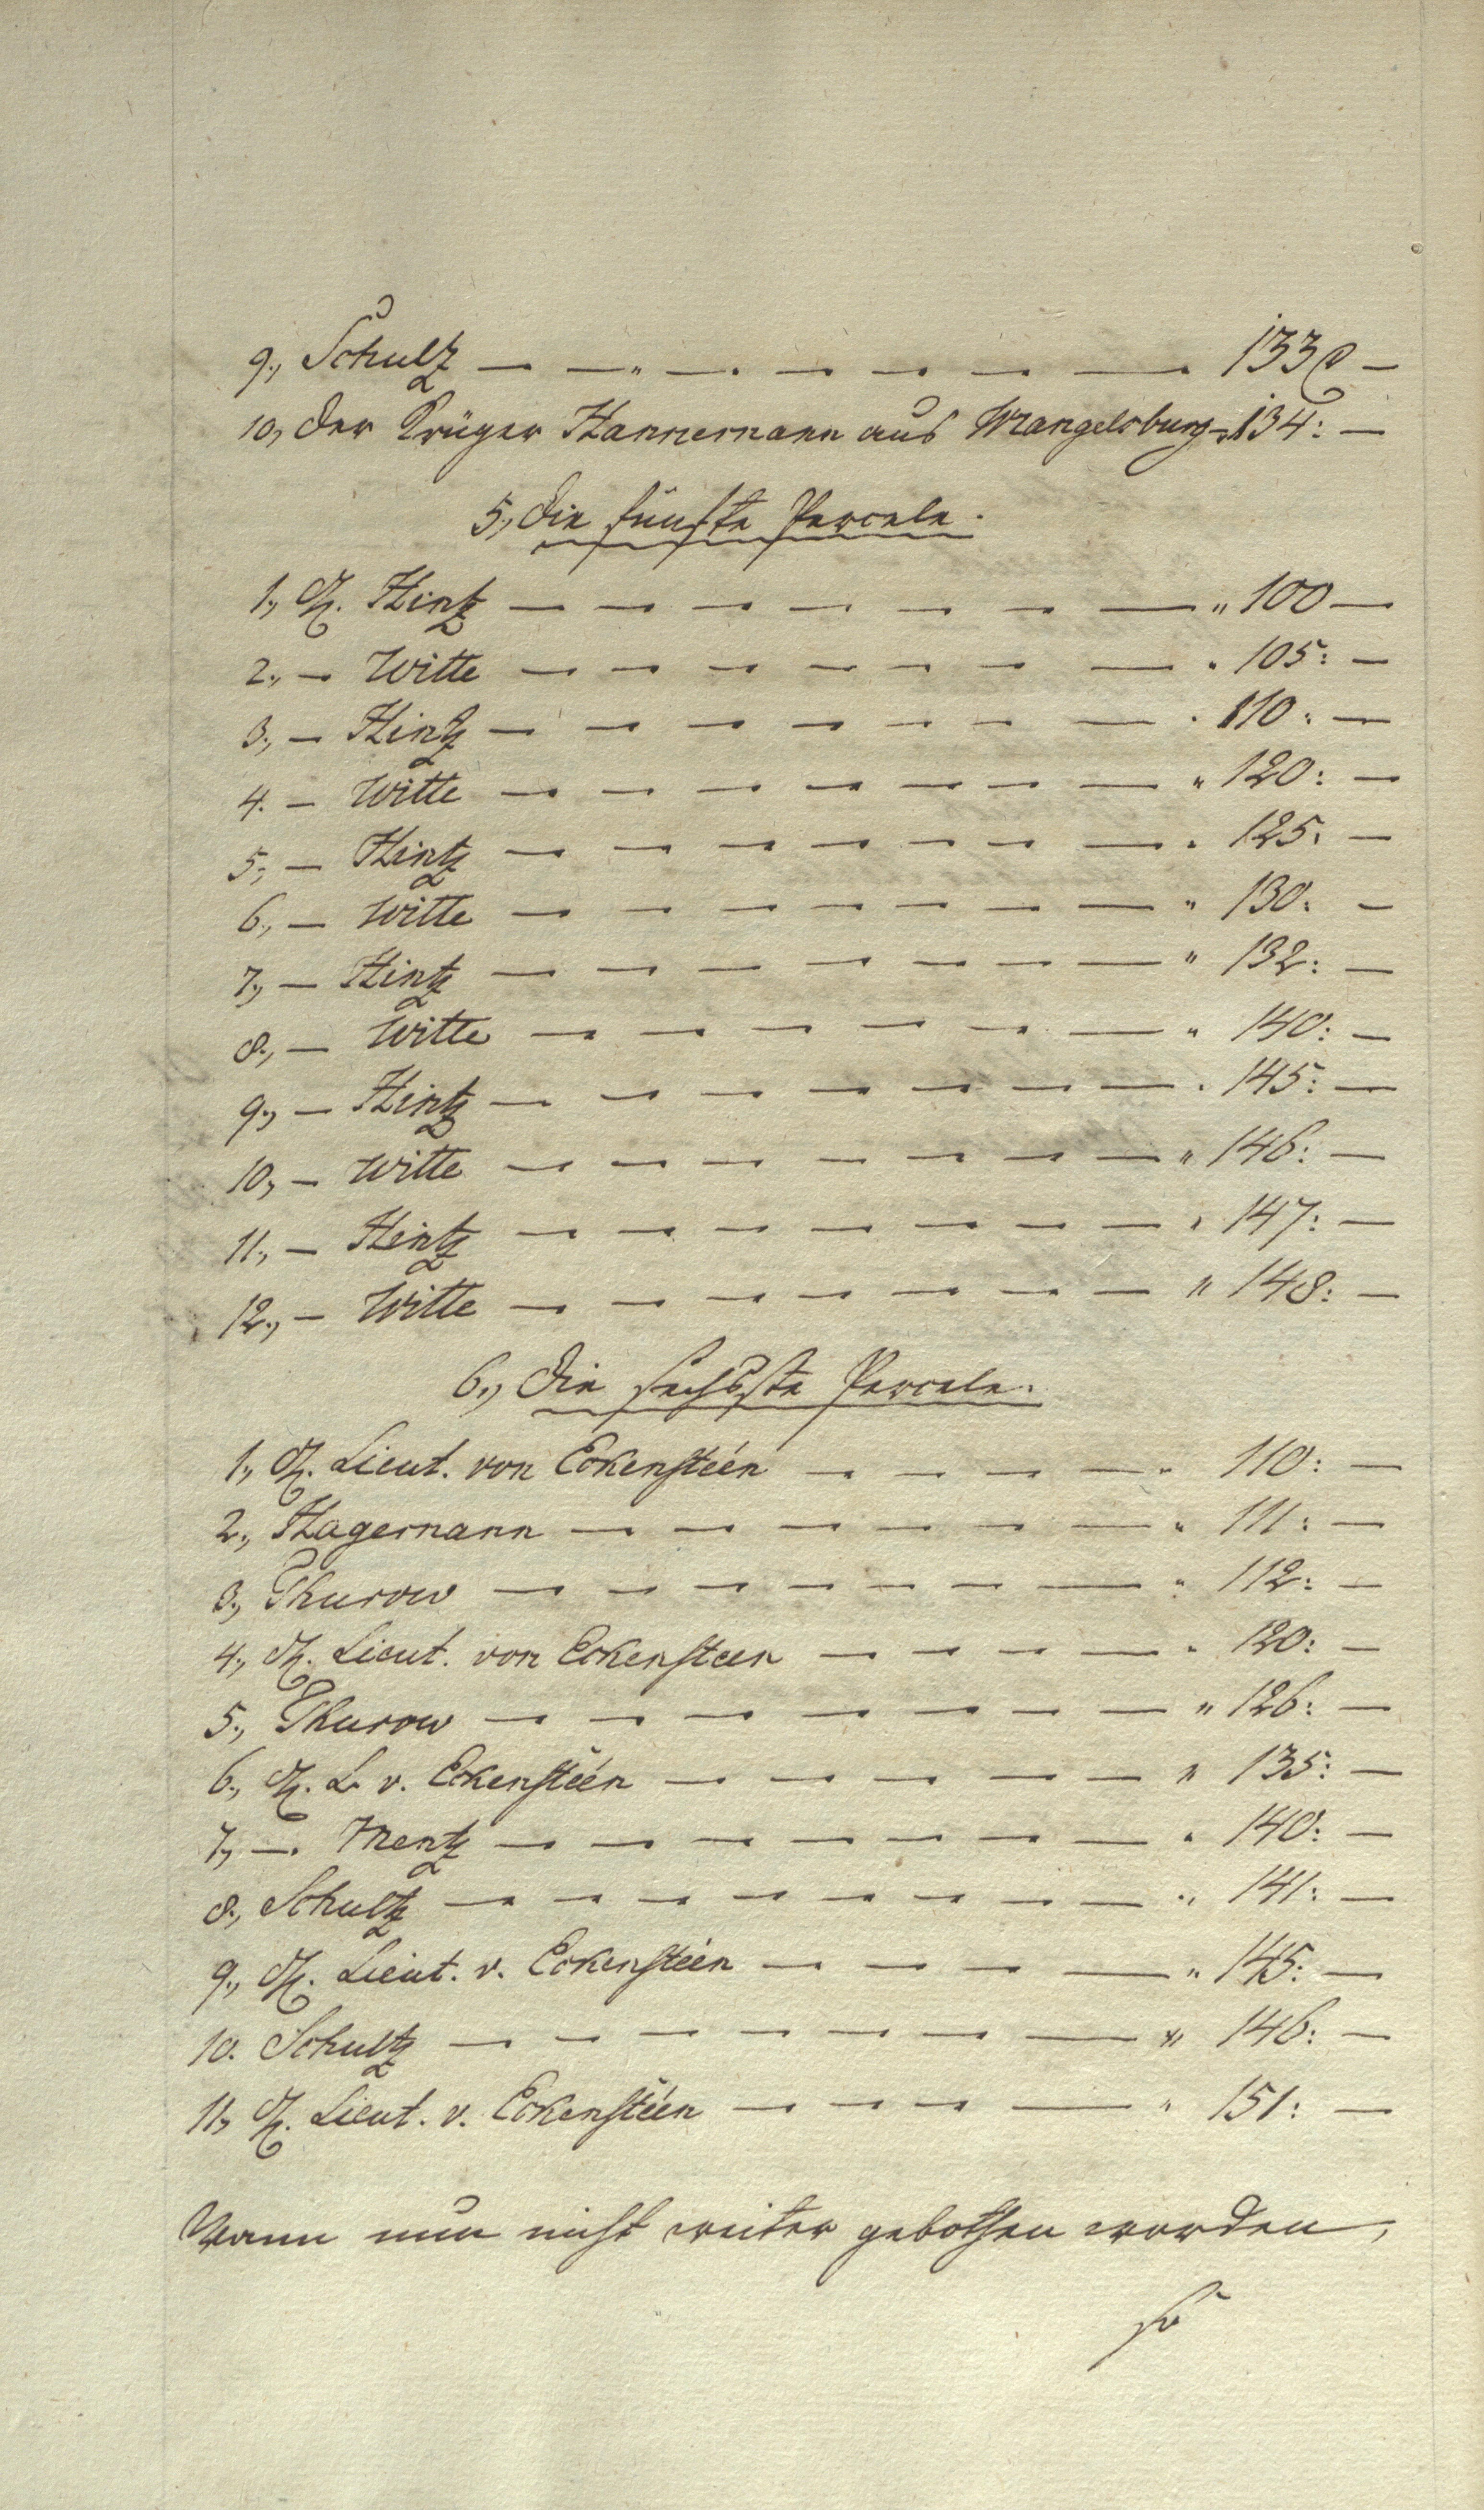9., Schulz 133 l
10, Der Krüger Hannemann aus Wrangelsburg 134:
5, Die fünfte Percele
1., dh. Hintz 100:
2., Witte 105:
3., Hintz 110:
4. Witte 120:
5., Hintz 125:
6., Witte 130:
7., Hintz 132:
8., Witte 140:
9., Hintz 145:
10., Witte 146:
11., Hintz 147:
12., Witte 148:
6., Die sechste Percele
1., dh. Lieut. von Eckensteén 110:
2., Hagemann 111:
3., Thurow 112:
4., dh. Licent. von Eckensteén 120:
5., Thurow 126:
6., dh. L. v. Eckensteén 135:
7., Mentz 140:
8., Schultz 141:
9., dh. Lieut. v. Eckensteén 145:
10. Schultz 146:
11., dh. Lieut. v. Eckensteén 151:
Wann nun nicht weiter gebothen worden,
so